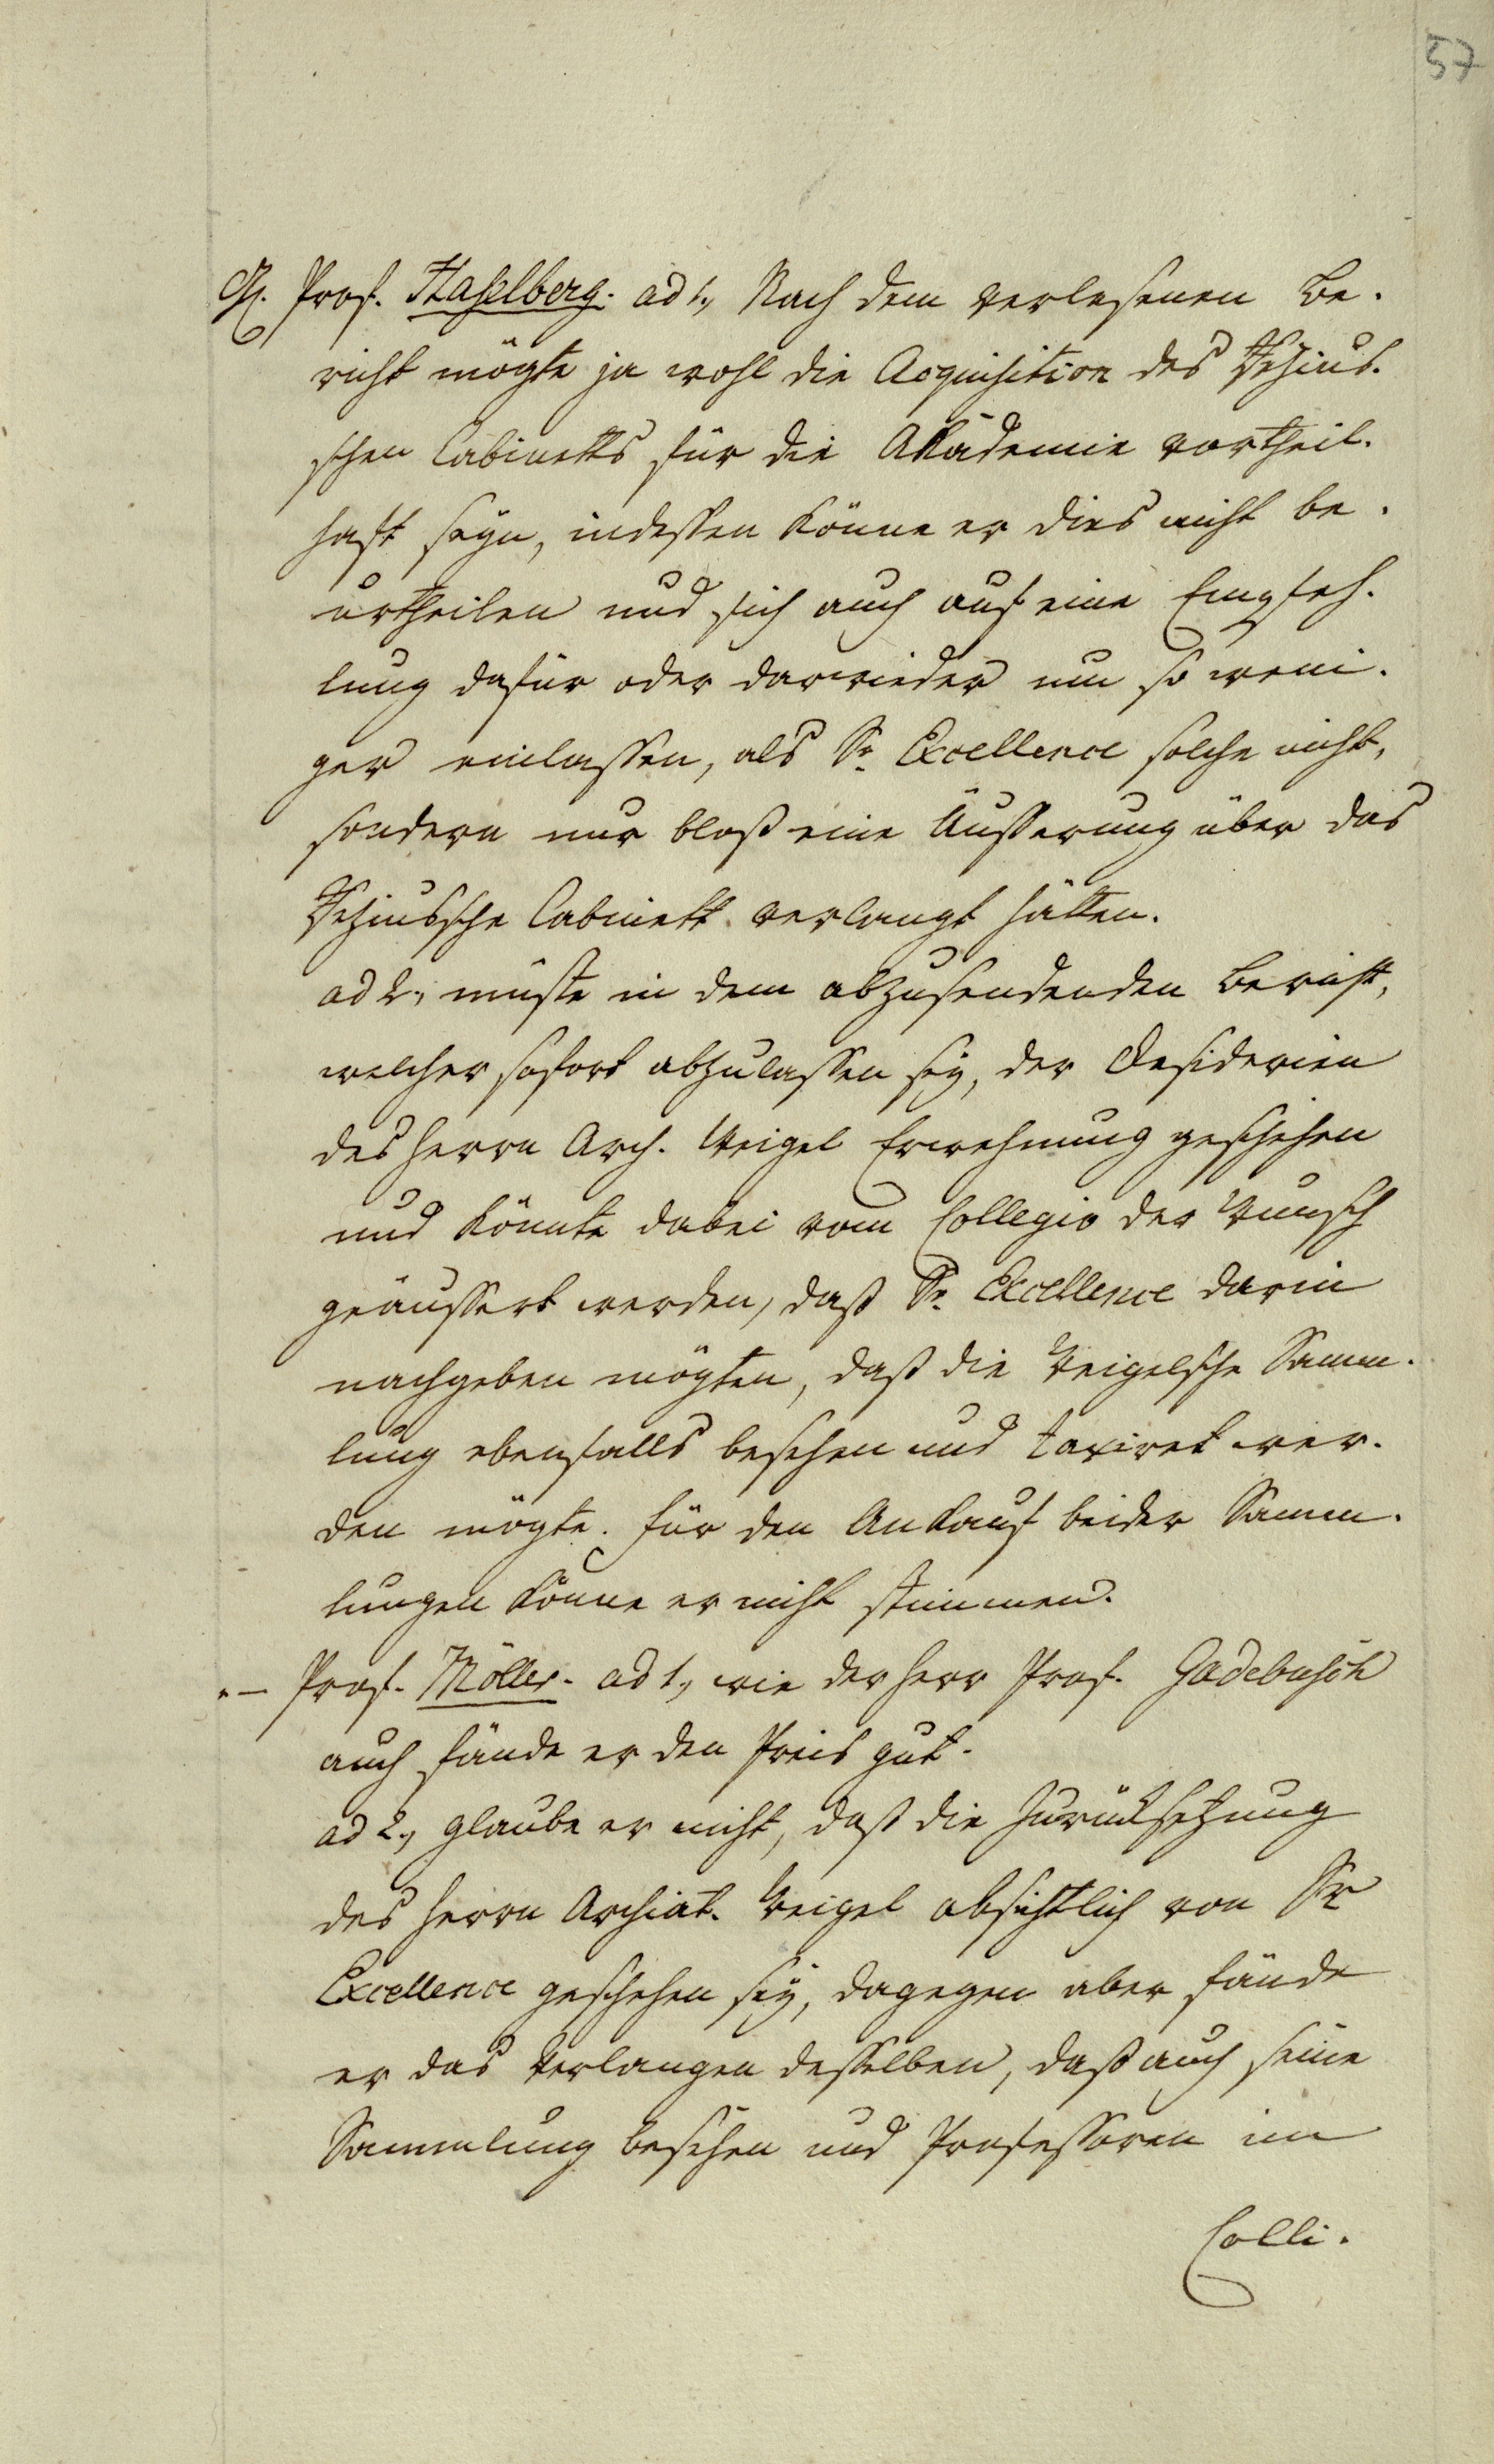dh. Prof. Haselberg. ad 1., Nach dem verlesenen Be¬
richt mögte ja wohl die Acquisition des Rezius¬
schen Cabinets für die Akademie vortheil¬
haft seÿn, indessen könne er dies nicht be¬
urtheilen und sich auch auf eine Empfeh¬
lung dafür oder darwieder um so weni¬
ger einlassen, als Sr Excellence solche nicht,
sondern nur bloß eine Äusserung über das
Reziussche Cabinett verlangt hätten.
ad 2., müßte in dem abzusendenden Bericht,
welcher sofort abzulassen seÿ, der Desiderien
des Herrn Arch. Weigel Erwehnung geschehen
und könnte dabei vom Collegio der Wunsch
geäussert werden, daß Sr Excellence darin
nachgeben mögten, daß die Weigelsche Samm¬
lung ebenfalls besehen und taxiret wer¬
den mögte. für den Ankauf beider Samm¬
lungen könne er nicht stimmen.
Prof. Möller. ad 1., wie der Herr Prof. Gadebusch
auch fände er den Preis gut
ad 2., glaube er nicht, daß die Zurücksetzung
des Herrn Arhiat. Weigel absichtlich von Sr
Excellence geschehen seÿ, dagegen aber fände
er das Verlangen desselben, daß auch seine
Sammlung besehen und Professoren im
Colli¬